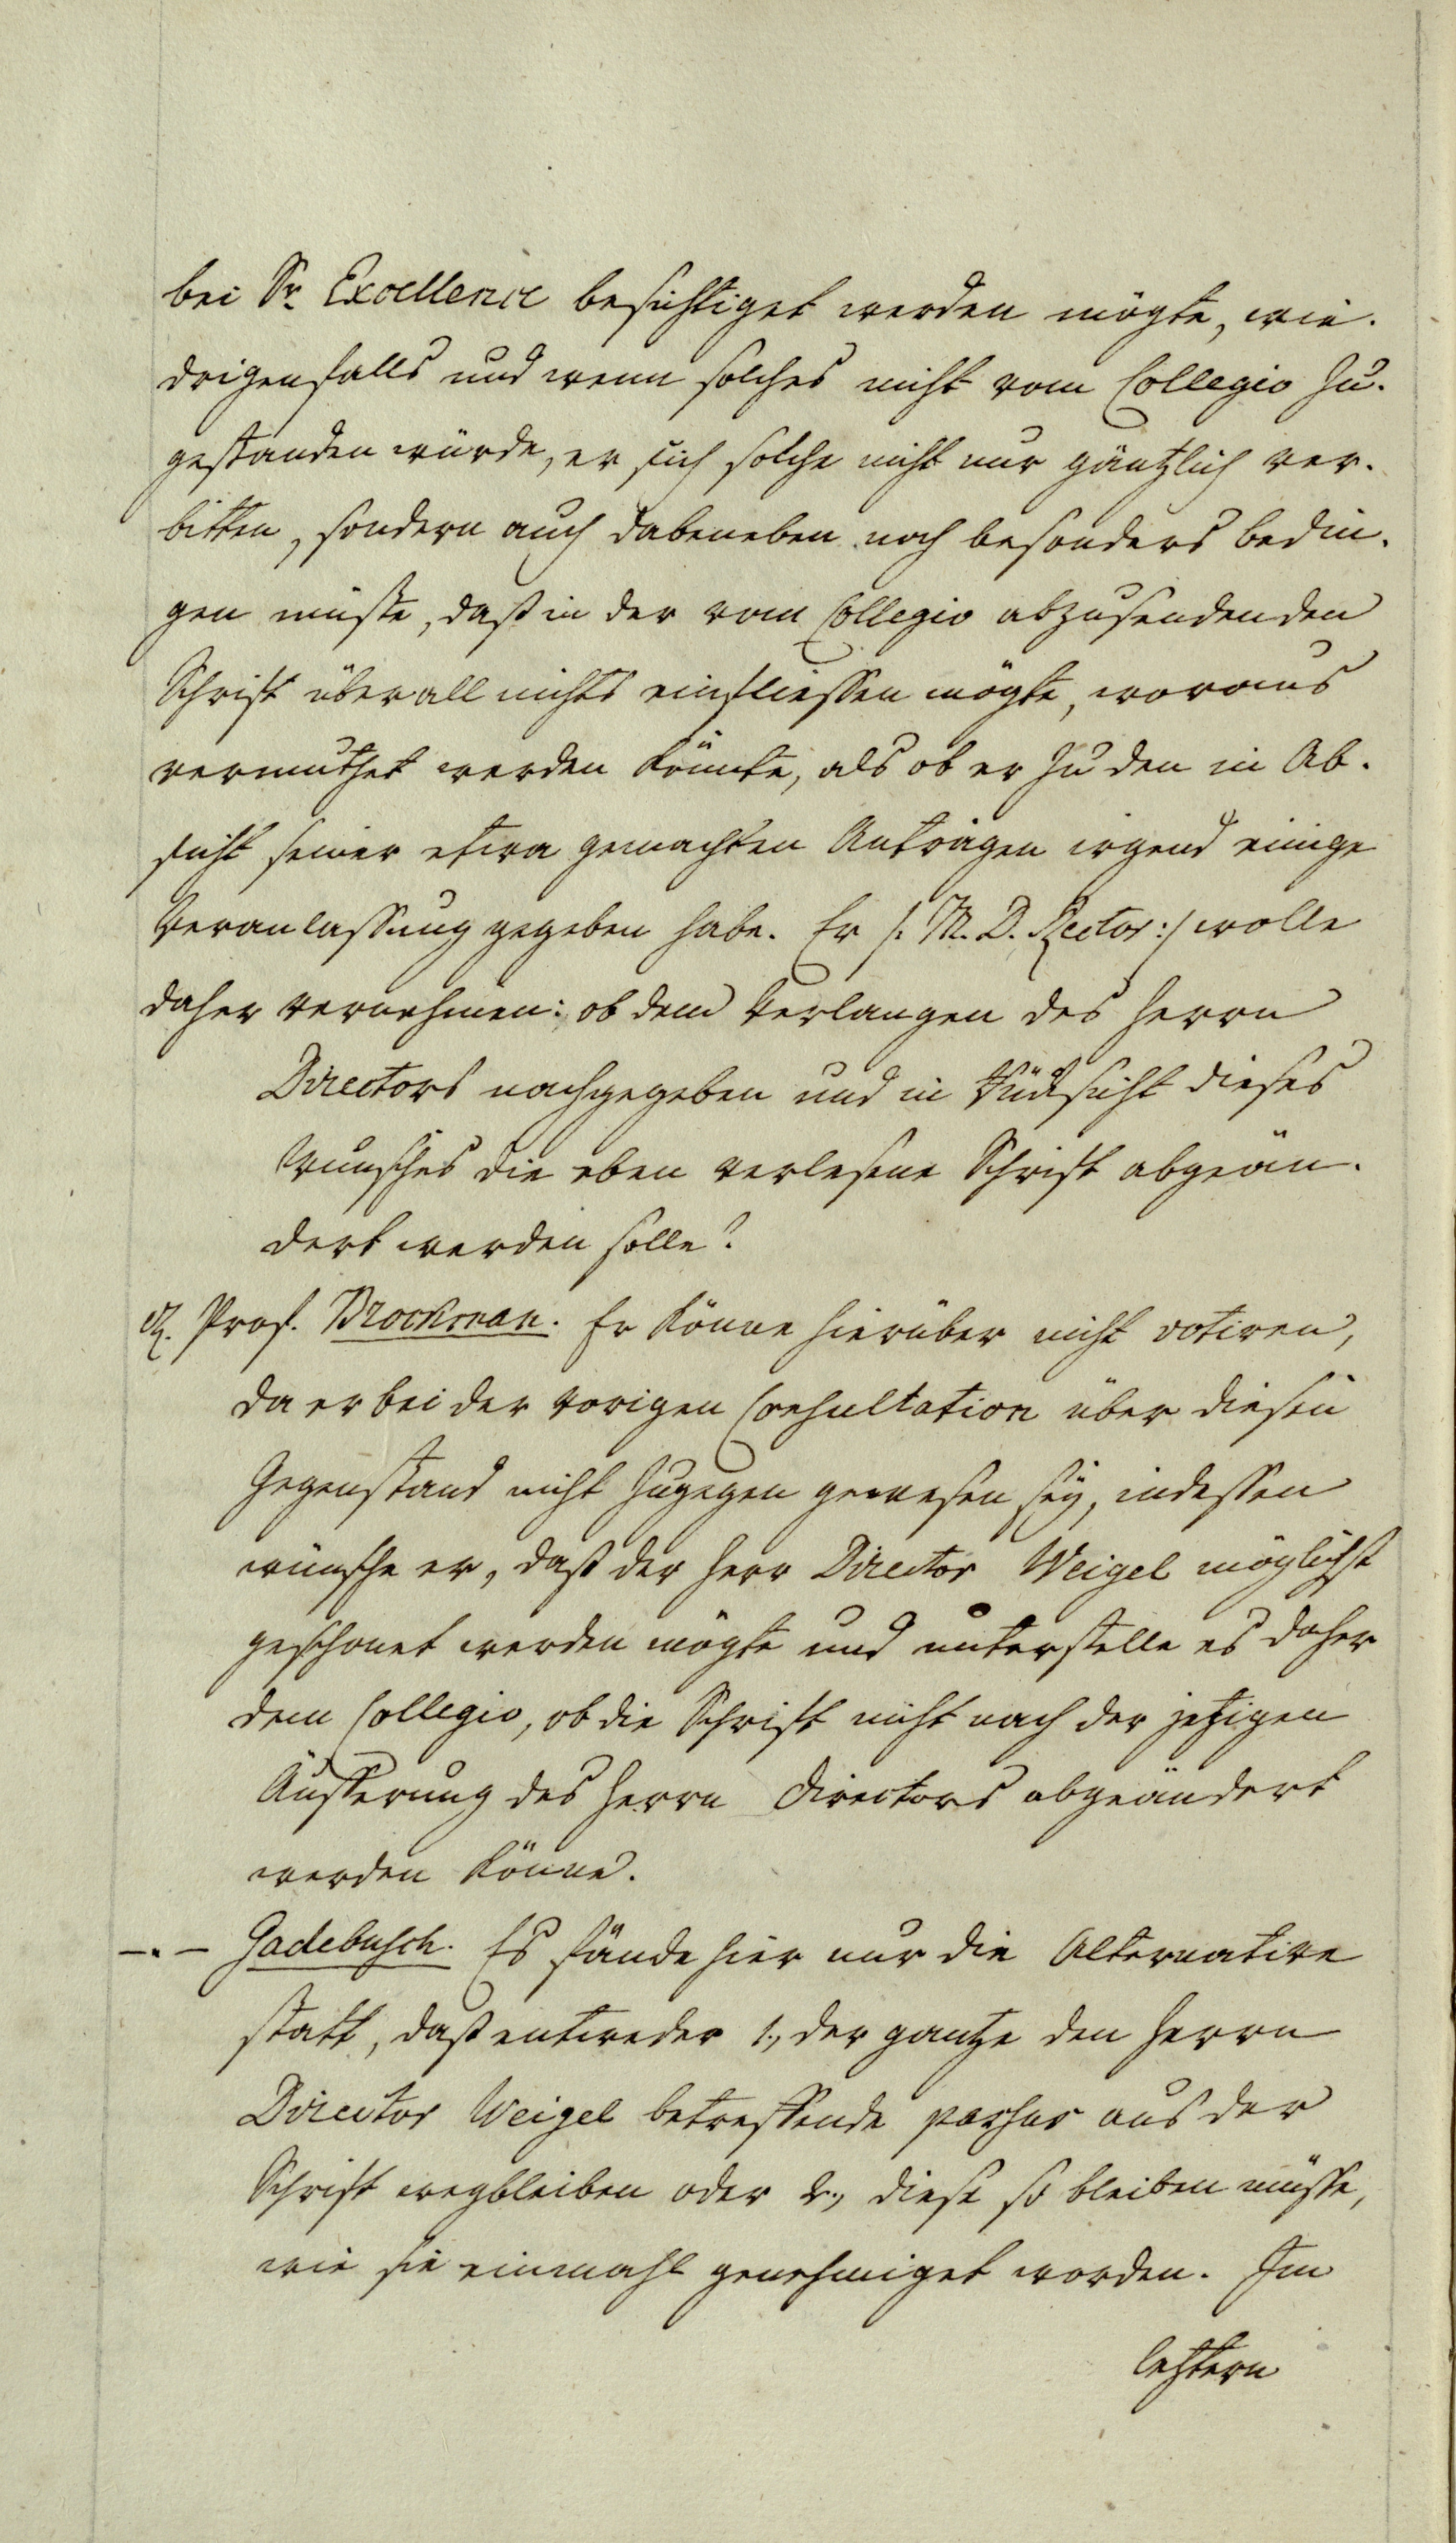bei Sr Excellence besichtiget werden mögte, wie
drigenfalls und wenn solches nicht vom Collegio zu¬
gestanden würde, er sich solche nicht nur gäntzlich ver¬
bitten, sondern auch dabeneben noch besonders bedin¬
gen müsste, daß in der vom Collegio abzusendenden
Schrift überall nichts einfliessen mögte, woraus
vermuthet werden könnte, als ob er zu den in Ab¬
sicht seiner etwa gemachten Anträgen irgend einige
Veranlassung gegeben habe. Er /: M. D. Rector :/ wolle
daher vernehmen: ob dem Verlangen des Herrn
Directors nachgegeben und in Rücksicht dieses
Wunsches die eben verlesene Schrift abgeän¬
dert werden solle?
dh. Prof. Brockman. Er könne hierüber nicht votiren,
da er bei der vorigen Consultation über diesen
Gegenstand nicht zugegen gewesen seÿ, indessen
wünsche er, daß der Herr Director Weigel möglichst
geschonet werden mögte und unterstellte es daher
dem Collegio, ob die Schrift nicht nach der jetzigen
Äusserung des Herrn Directors abgeändert
werden könne.
Gadebusch. Es fände hier nur die Alternative
statt, daß entweder 1., der gantze den Herrn
Director Weigel betreffende passus aus der
Schrift wegbleiben oder 2., diese so bleiben müsse,
wie sie einmahl genehmiget worden. Im
letztern